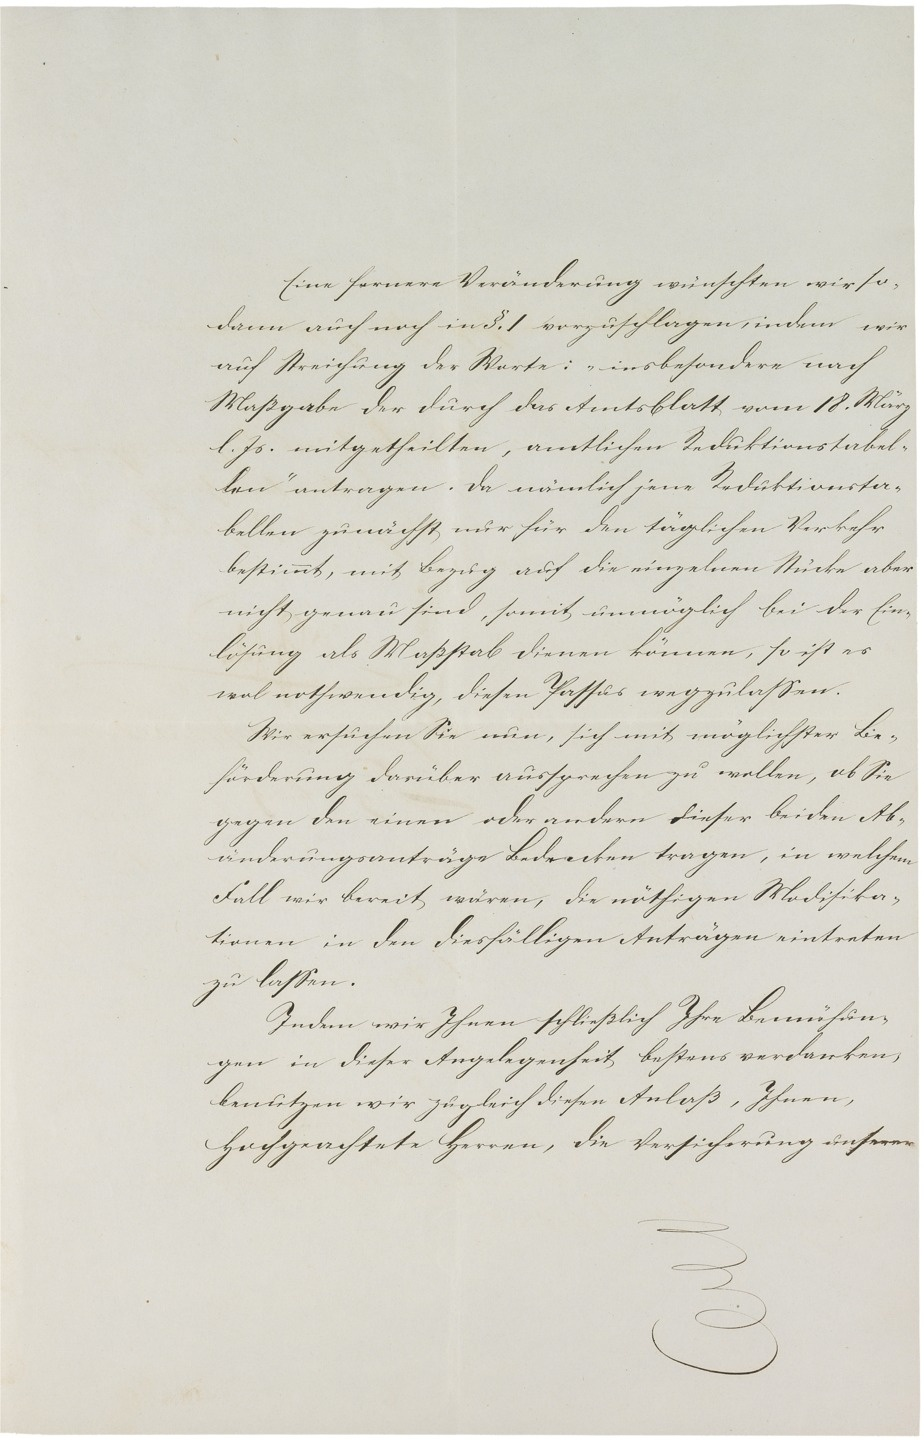Eine fernere Veränderung wünschten wir so-
dann auch noch in §.1 vorzuschlagen, indem wir
auf Streichung der Worte: «insbesondere nach
Maßgabe der durch das Amtsblatt vom 18. März
l. Js. mitgetheilten, amtlichen Reduktionstabel-
len» antragen. Da nämlich jene Reduktionsta-
bellen zunächst nur für den täglichen Verkehr
bestimmt, mit Bezug auf die einzelnen Stücke aber
nicht genau sind, somit unmöglich bei der Ein-
lösung als Maßstab dienen können, so ist es
wol nothwendig, diesen Passus wegzulassen.
Wir ersuchen Sie nun, sich mit möglichster Be-
förderung darüber aussprechen zu wollen, ob Sie
gegen den einen oder andern dieser beiden Ab-
änderungsanträge Bedenken tragen, in welchem
Fall wir bereit wären, die nöthigen Modifika-
tionen in den diesfälligen Anträgen eintreten
zu lassen.
Indem wir Ihnen schließlich Ihre Bemühun-
gen in dieser Angelegenheit bestens verdanken,
benutzen wir zugleich diesen Anlaß, Ihnen,
Hochgeachtete Herren, die Versicherung unserer